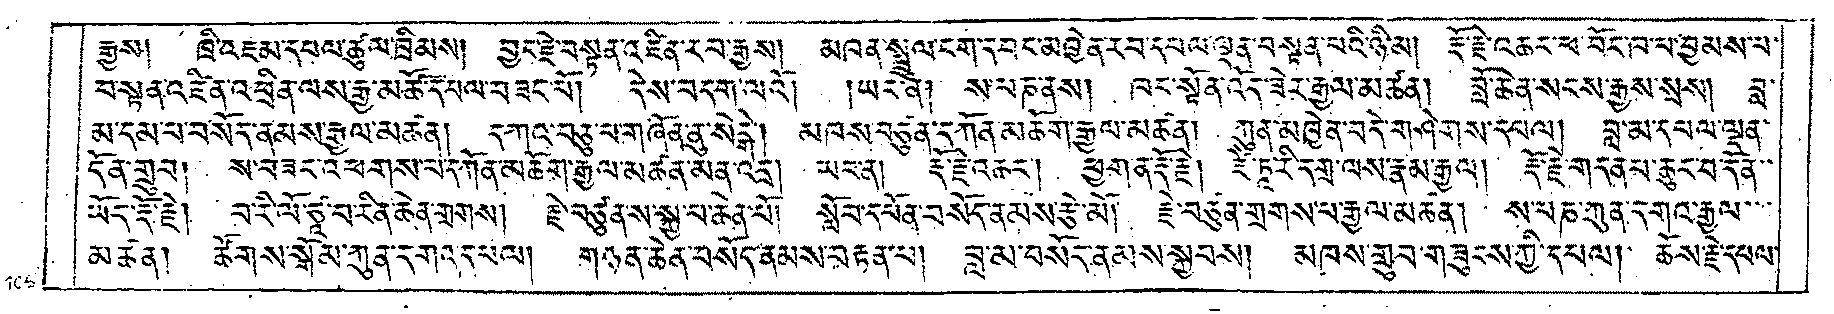རྒྱས། ཁྲི་འཇམ་དཔལ་ཚུལ་ཁྲིམས། བྱང་རྗེ་བསྟན་འཛིན་རབ་རྒྱས། མཁན་སྤྲུལ་ངག་དབང་མཁྱེན་རབ་དཔལ་ལྡན་བསྟན་པའི་ཉི་མ། རྡོ་རྗེ་འཆང་ཕ་བོང་ཁ་པ་བྱམས་པ་
བསྟན་འཛིན་འཕྲིན་ལས་རྒྱ་མཚོ་དཔལ་བཟང་པོ། དེས་བདག་ལའོ། །ཡང་ན། ས་པཎ་ནས། ཁང་སྟོན་འོད་ཟེར་རྒྱལ་མཚན། བློ་ཆེན་སངས་རྒྱས་སྲས། བླ་
མ་དམ་པ་བསོད་ནམས་རྒྱལ་མཚན། དཀའ་བཅུ་པ་གཞོན་ནུ་སེངྒེ། མཁས་བཙུན་དཀོན་མཆོག་རྒྱལ་མཚན། ཀུན་མཁྱེན་བདེ་གཤེགས་དཔལ། བླ་མ་དཔལ་ལྡན་
དོན་གྲུབ། ས་བཟང་འཕགས་པ་དཀོན་མཆོག་རྒྱལ་མཚན་མན་འདྲ། ཡང་ན། རྡོ་རྗེ་འཆང་། ཕྱག་ན་རྡོ་རྗེ། ཛཻ་ཏཱ་རི་དགྲ་ལས་རྣམ་རྒྱལ། རྡོ་རྗེ་གདན་པ་ཆུང་བ་དོན་
ཡོད་རྡོ་རྗེ། བ་རི་ལོ་ཙཱ་པ་རིན་ཆེན་གྲགས། རྗེ་བཙུན་ས་སྐྱ་པ་ཆེན་པོ། སློབ་དཔོན་བསོད་ནམས་རྩེ་མོ། རྗེ་བཙུན་གྲགས་པ་རྒྱལ་མཚན། ས་པཎ་ཀུན་དགའ་རྒྱལ་
མཚན། ཚོགས་སྒོམ་ཀུན་དགའ་དཔལ། གཉན་ཆེན་བསོད་ནམས་བརྟན་པ། བླ་མ་བསོད་ནམས་སྐྱབས། མཁས་གྲུབ་གཟུངས་ཀྱི་དཔལ། ཆོས་རྗེ་དཔལ་